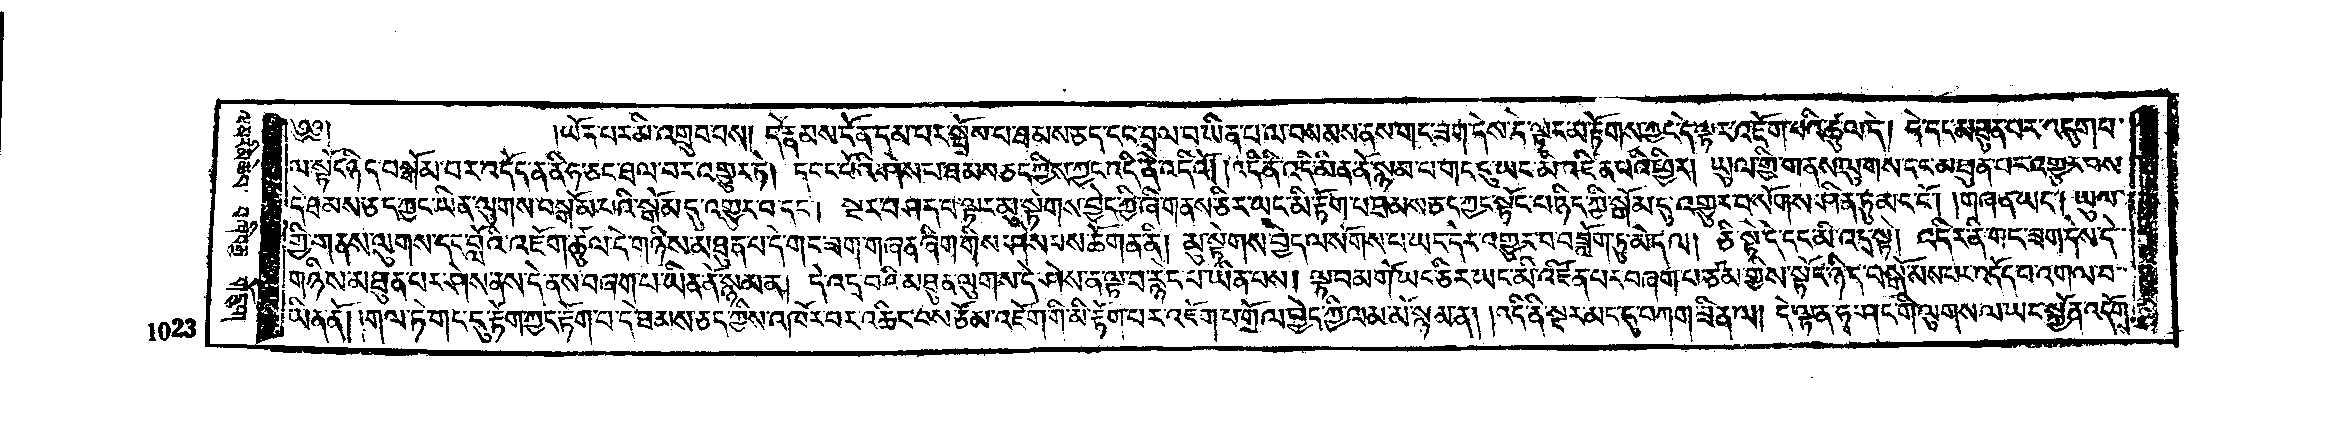༄༅། །ཡོད་པར་མི་འགྲུབ་པས། དེ་རྣམས་དོན་དམ་པར་སྤྲོས་པ་ཐམས་ཅད་དང་བྲལ་བ་ཡིན་པ་ལ་བསམས་ནས་གང་ཟག་དེས་དེ་ལྟར་མ་རྟོགས་ཀྱང་དེ་ལྟར་འཇོག་པའི་ཚུལ་དེ། དེ་དང་མཐུན་པར་འདུག་པ་
ལ་སྟོང་ཉིད་བསྒོམ་པར་འདོད་ན་ནི་ཧ་ཅང་ཐལ་བར་འགྱུར་ཏེ། དབང་པོའི་ཤེས་པ་ཐམས་ཅད་ཀྱིས་ཀྱང་འདི་ནི་འདིའོ། །འདི་ནི་འདི་མིན་ནོ་སྙམ་པ་གང་དུ་ཡང་མི་འཛིན་པའི་ཕྱིར། ཡུལ་གྱི་གནས་ལུགས་དང་མཐུན་པར་འགྱུར་བས་
དེ་ཐམས་ཅད་ཀྱང་ཡིན་ལུགས་བསྒོམ་པའི་སྒོམ་དུ་འགྱུར་བ་དང་། སྔར་བཤད་པ་ལྟར་མུ་སྟེགས་བྱེད་ཀྱི་ཞི་གནས་ཅིར་ཡང་མི་རྟོག་པ་ཐམས་ཅད་ཀྱང་སྟོང་པ་ཉིད་ཀྱི་སྒོམ་དུ་འགྱུར་བ་སོགས་ཤིན་ཏུ་མང་ངོ། །གཞན་ཡང་། ཡུལ་
གྱི་གནས་ལུགས་དང་བློའི་འཇོག་ཚུལ་དེ་གཉིས་མཐུན་པ་དེ་གང་ཟག་གཞན་ཞིག་གིས་ཤེས་པས་ཆོག་ན་ནི། མུ་སྟེགས་བྱེད་ལ་སོགས་པ་ཡང་དེར་འགྱུར་བ་བཟློག་ཏུ་མེད་ལ། ཅི་སྟེ་དེ་དང་མི་འདྲ་སྟེ། འདིར་ནི་གང་ཟག་དེས་དེ་
གཉིས་མཐུན་པར་ཤེས་ནས་དེ་ནས་བཞག་པ་ཡིན་ནོ་སྙམ་ན། དེ་འདྲ་བའི་མཐུན་ལུགས་དེ་ཤེས་ན་ལྟ་བ་རྙེད་པ་ཡིན་པས། ལྟ་བ་མ་གོ་ཡང་ཅིར་ཡང་མི་འཛིན་པར་བཞག་པ་ཙམ་གྱིས་སྟོང་ཉིད་བསྒོམས་པར་འདོད་པ་འགལ་བ་
ཡིན་ནོ། །གལ་ཏེ་གང་དུ་རྟོག་ཀྱང་རྟོག་པ་དེ་ཐམས་ཅད་ཀྱིས་འཁོར་བར་འཆིང་བས་ཙོམ་འཇོག་གི་མི་རྟོག་པར་འཇོག་པ་གྲོལ་བྱེད་ཀྱི་ལམ་མོ་སྙམ་ན། འདི་ནི་སྔར་མང་དུ་བཀག་ཟིན་ལ། དེ་ལྟ་ན་ཧྭ་ཤང་གི་ལུགས་ལ་ཡང་སྐྱོན་འདོགས་